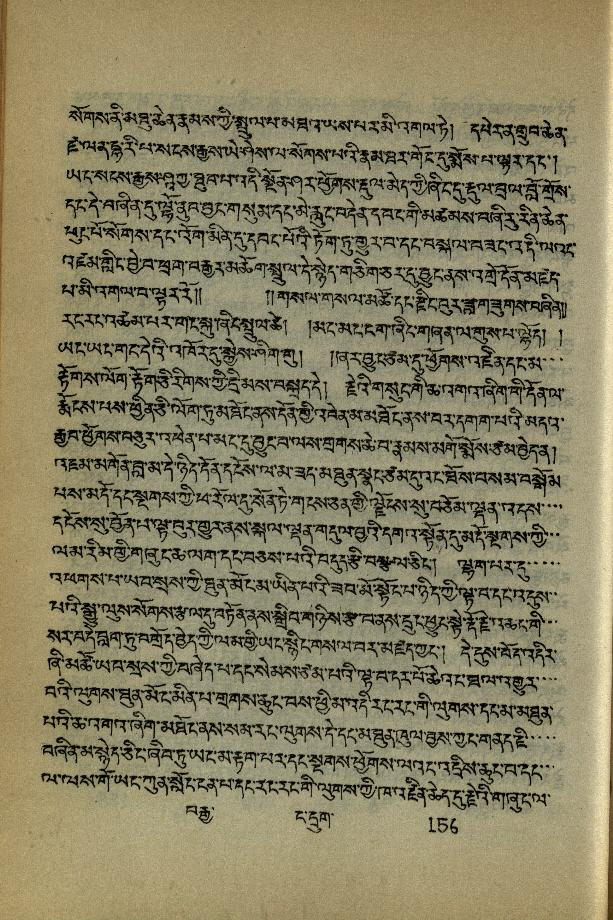སོགས་ནི་མཐུ་ཆེན་རྣམས་ཀྱི་སྤྲུལ་པ་མཐའ་ཡས་པར་མི་འགལ་ཏེ། དཔེར་ན་གྲུབ་ཆེན་
ཛ་ལན་དྷ་རི་པ་སངས་རྒྱས་ཡེ་ཤེས་ལ་སོགས་པའི་རྣམ་ཐར་གོང་དུ་སྨོས་པ་ལྟར་དང་།
ཡང་སངས་རྒྱས་ཤཱཀྱ་ཐུབ་པ་འདི་སྔོན་ཤར་ཕྱོགས་རྡུལ་མེད་ཀྱི་ཞིང་དུ་རྡུལ་བྲལ་བློ་གྲོས་
དང་དེ་བཞིན་དུ་ལྷོ་ནུབ་བྱང་གསུམ་དང་མེ་རླུང་བདེན་དབང་གི་མཚམས་བཞི་རུ་རིན་ཆེན་
ཕུང་པོ་སོགས་དང་འོག་མིན་དུ་དབང་པོའི་ཏོག་ཏུ་གྱུར་བ་དང་བསྐལ་བཟང་འདི་ལའང་
འཛམ་གླིང་བྱེ་བ་ཕྲག་བརྒྱར་མཆོག་སྤྲུལ་དེ་སྙེད་གཅིག་ཅར་དུ་བྱུང་ནས་འགྲོ་དོན་མཛད་
པ་མི་འགལ་བ་ལྟར་རོ།། །།གསལ་གསལ་མཚོ་དང་རྫིང་བུར་ཟླ་གཟུགས་བཞིན།།
རང་རང་འཚམ་པར་གང་སྐུ་ཞིང་སྤྲུལ་ཚེ། །མང་མང་ངག་ཞིང་གཞན་ལ་གུས་པ་ལྷོད། །
ཡང་ཡང་གང་དེའི་འཁོར་དུ་སྐྱེས་ཤིག་གུ། །ཞར་བྱུང་ཙམ་དུ་ཕྱོགས་འཛིན་དང་མ་
རྟོགས་ལོག་རྟོག་ཅི་རིགས་ཀྱི་དྲི་མས་བསྐྲད་དེ། རྗེའི་གསུང་གི་ཆ་འགའ་ཞིག་གི་དོན་ལ་
རྨོངས་པས་ཕྱིན་ཅི་ལོག་ཏུ་མཐོང་ནས་དོན་གྱི་འབེན་མ་མཐོང་ནས་བར་དགག་པའི་མདའ་
རྒྱབ་ཕྱོགས་བཅུར་འཕེན་པ་མང་དུ་བྱུང་བ་ལས་གྲགས་ཆེ་བ་རྣམས་མགོ་སྨོས་ཙམ་བྱེད་ན།
འཇམ་མགོན་བླ་མ་དེ་ཉིད་དོན་དངོས་ལ་མ་ཟད་མཐུན་སྣང་ཙམ་དུའང་ཐོས་བསམ་བསྒོམ་
པས་མདོ་དང་སྔགས་ཀྱི་ཕ་རོལ་དུ་སོན་ཏེ་གངས་ཅན་གྱི་ལྗོངས་སུ་བཅོམ་ལྡན་འདས་
དངོས་སུ་བྱོན་པ་ལྟ་བུར་གྱུར་ནས་སྐལ་ལྡན་གདུལ་བྱའི་དགའ་སྟོན་དུ་མདོ་སྔགས་ཀྱི་
ལམ་རིམ་གྱི་གཞུང་ཆ་ལག་དང་བཅས་པའི་བདུད་རྩི་བསྩལ་ཅིང་། ལྷག་པར་དུ་
འཕགས་པ་ཡབ་སྲས་ཀྱི་ཐུན་མོང་མ་ཡིན་པའི་ཟབ་མོ་སྟོང་པ་ཉིད་ཀྱི་ལྟ་བ་དང་འདུས་
པའི་སྒྱུ་ལུས་སོགས་རྩལ་དུ་བཏོན་ནས་སྒྲིབ་གཉིས་རྩ་བ་ནས་དྲུང་ཕྱུང་སྟེ་རྡོ་རྗེ་འཆང་གི་
སར་བདེ་བླག་ཏུ་བགྲོད་བྱེད་ཀྱི་ལམ་གྱི་ཡང་སྙིང་གསལ་བར་མཛད་ཀྱང་། དེ་དུས་བོད་འདིར་
ཞི་མཚོ་ཡབ་སྲས་ཀྱི་བཞེད་པ་དང་སེམས་ཙམ་པའི་ལྟ་བ་དར་པོ་ཆེའང་ཐལ་འགྱུར་
བའི་ལུགས་ཐུན་མོང་མིན་པ་གྲགས་ཆུང་བས་ཕྱི་མ་འདི་རང་རང་གི་ལུགས་དང་མ་མཐུན་
པའི་ཆ་འགའ་ཞིག་མཐོང་ནས་སམ་རང་ལུགས་དེ་དང་མཐུན་ཁུལ་བྱས་ཀྱང་གནད་ཇི་
བཞིན་མ་སྙེད་ཅིང་ཞིབ་ཏུ་ཡང་མ་རྟག་པར་དང་སྔགས་ཕྱོགས་ལའང་འདྲིས་ཆུང་བ་དང་
ལ་ལས་གོ་ཡང་ཀུན་སློང་ངན་པ་དང་རང་རང་གི་ལུགས་ཀྱི་ཁ་འཛིན་ཆེད་དུ་རྗེའི་གཞུང་ལ་